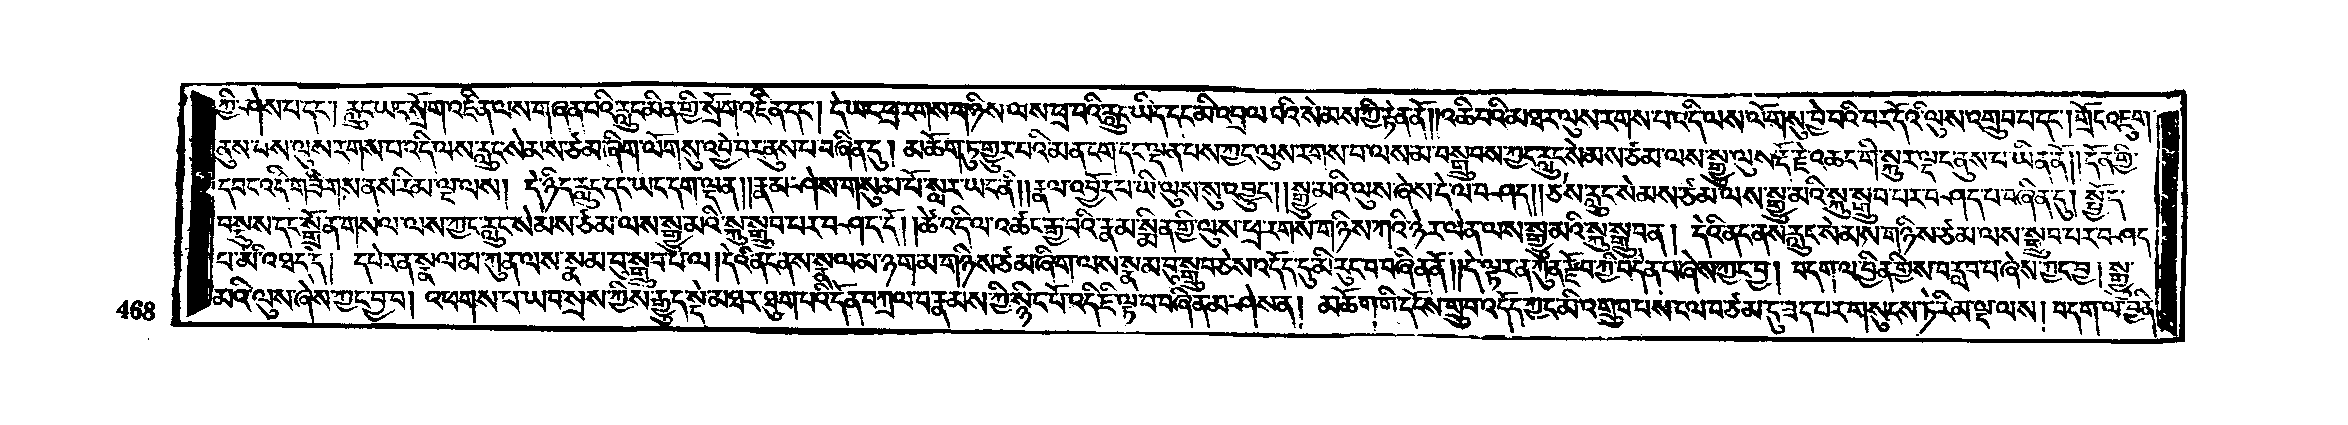ཀྱི་ཤེས་པ་དང་། རླུང་ཡང་སྲོག་འཛིན་ལས་གཞན་པའི་རླུང་མིན་གྱི་སྲོག་འཛིན་དང་། དེ་ཡང་ཕྲ་རགས་གཉིས་ལས་ཕྲ་བའི་རླུང་ཡིད་དང་མི་འབྲལ་བའི་སེམས་ཀྱི་རྟེན་ནོ། །འཆི་བའི་མཐར་ལུས་རགས་པ་འདི་ལས་ལོགས་སུ་བྱེ་བའི་བར་དོའི་ལུས་འགྲུབ་པ་དང་། གྲོང་འཇུག་
ནུས་པས་ལུས་རགས་པ་འདི་ལས་རླུང་སེམས་ཙམ་ཞིག་ལོགས་སུ་འབྱེ་བར་ནུས་པ་བཞིན་དུ། མཆོག་ཏུ་གྱུར་པའི་མན་ངག་དང་ལྡན་པས་ཀྱང་ལུས་རགས་པ་ལས་མ་བསྒྲུབས་ཀྱང་རླུང་སེམས་ཙམ་ལས་སྒྱུ་ལུས་རྡོ་རྗེ་འཆང་གི་སྐུར་ལྡང་ནུས་པ་ཡིན་ནོ། དོན་གྱི་
དབང་འདི་གཟིགས་ནས་རིམ་ལྔ་ལས། དེ་ཉིད་རླུང་དང་ཡང་དག་ལྡན། །རྣམ་ཤེས་གསུམ་པོ་སླར་ཡང་ནི། །རྣལ་འབྱོར་པ་ཡི་ལུས་སུ་འབྱུང་། །སྒྱུ་མའི་ལུས་ཞེས་དེ་ལ་བཤད། །ཅེས་རླུང་སེམས་ཙམ་ལས་སྒྱུ་མའི་སྐུ་སྒྲུབ་པར་བཤད་པ་བཞིན་དུ། སྤྱོད་
བསྡུས་དང་སྒྲོན་གསལ་ལས་ཀྱང་རླུང་སེམས་ཙམ་ལས་སྒྱུ་མའི་སྐུ་སྒྲུབ་པར་བཤད་དོ། །ཚེ་འདི་ལ་འཚང་རྒྱ་བའི་རྣམ་སྨིན་གྱི་ལུས་ཕྲ་རགས་གཉིས་ཀའི་ཉེར་ལེན་ལས་སྒྱུ་མའི་སྐུ་སྒྲུབ་ན། དེའི་ནང་ནས་རླུང་སེམས་གཉིས་ཙམ་ལས་སྒྲུབ་པར་བཤད་
པ་མི་འཐད་དེ། དཔེར་ན་སྣལ་མ་ཀུན་ལས་སྣམ་བུ་སྒྲུབ་པ་ལ། དེའི་ནང་ནས་སྣལ་མ་ཉག་མ་གཉིས་ཙམ་ཞིག་ལས་སྣམ་བུ་སྒྲུབ་ཅེས་འདོད་དུ་མི་རུང་བ་བཞིན་ནོ། །དེ་ལྟར་ན་ཀུན་རྫོབ་ཀྱི་བདེན་པ་ཞེས་ཀྱང་བྱ། བདག་ལ་བྱིན་གྱིས་བརླབ་པ་ཞེས་ཀྱང་བྱ། སྒྱུ་
མའི་ལུས་ཞེས་ཀྱང་བྱ་བ། འཕགས་པ་ཡབ་སྲས་ཀྱིས་རྒྱུད་སྡེ་མཐར་ཐུག་པའི་དོན་བཀྲལ་བ་རྣམས་ཀྱི་སྙིང་པོ་འདི་ཇི་ལྟ་བ་བཞིན་མ་ཤེས་ན། མཆོག་གི་དངོས་གྲུབ་འདོད་ཀྱང་མི་འགྲུབ་པས་ངལ་བ་ཙམ་དུ་ཟད་པར་གསུངས་ཏེ་རིམ་ལྔ་ལས། བདག་ལ་བྱིན་